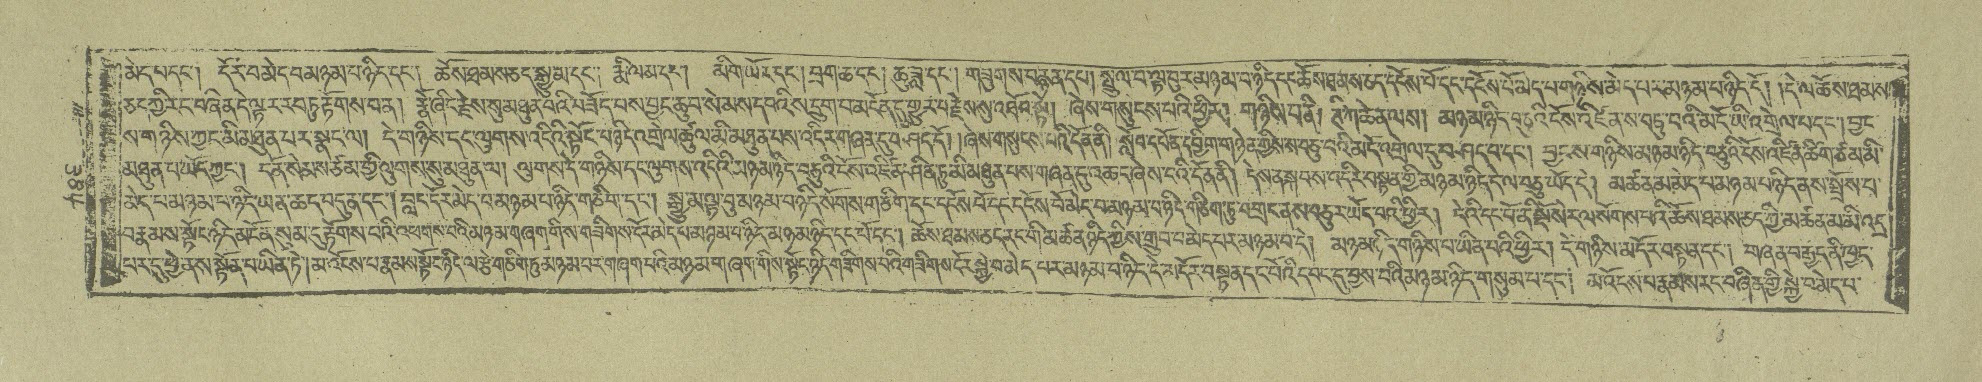མེད་པ་དང་། དོར་བ་མེད་པ་མཉམ་པ་ཉིད་དང་། ཆོས་ཐམས་ཅད་སྒྱུ་མ་དང་། རྨི་ལམ་དང་། མིག་ཡོར་དང་། བྲག་ཆ་དང་། ཆུ་ཟླ་དང་། གཟུགས་བརྙན་དང་། སྤྲུལ་པ་ལྟ་བུར་མཉམ་པ་ཉིད་དང་ཆོས་ཐམས་ཅད་དངོས་པོ་དང་དངོས་པོ་མེད་པ་གཉིས་མོད་པར་མཉམ་པ་ཉིད་དོ། །དེ་ལ་ཆོས་ཐམས་
ཅད་ཀྱི་རང་བཞིན་དེ་ལྟར་རབ་ཏུ་རྟོགས་པ་ན། རྣོ་ཞིང་རྗེས་སུ་མཐུན་པའི་བཟོད་པས་བྱང་ཆུབ་སེམས་དཔའི་ས་དྲུག་པ་མངོན་དུ་གྱུར་པ་རྗེས་སུ་འཐོབ་སྟེ། ཞེས་གསུངས་པའི་ཕྱིར། གཉིས་པ་ནི། ཊིཀ་ཆེན་ལས། མཉམ་ཉིད་བཅུའི་ངོས་འཛིན་ས་བཅུ་པའི་མདོ་ཡི་འགྲེལ་པ་དང་། བྱང་
ས་གཉིས་ཀྱང་མི་མཐུན་པར་སྣང་ལ། དེ་གཉིས་དང་ལུགས་འདིའི་སྟོང་པ་ཉིད་འགྲེལ་ཚུལ་མི་མཐུན་པས་འདིར་གཞན་དུ་བཤད་དོ། །ཞེས་གསུངས་པའི་དོན་ནི། སློབ་དཔོན་དབྱིག་གཉེན་གྱིས་ས་བཅུ་པའི་མདོ་འགྲེལ་དུ་བཤད་པ་དང་། བྱང་ས་གཉིས་མཉམ་ཉིད་བཅུའི་ངོས་འཛིན་ཚིག་ཙམ་མི་
མཐུན་པ་ཡོད་ཀྱང་། དོན་སེམས་ཙམ་གྱི་ལུགས་སུ་མཐུན་ལ། ལུགས་དེ་གཉིས་དང་ལུགས་འདིའི་མཉམ་ཉིད་བཅུའི་ངོས་འཛིན་ཤིན་ཏུ་མི་མཐུན་པས་གཞན་དུ་འཆད་ཞེས་པའི་དོན་ནི། དེས་ན་སྐབས་འདིར་བསྟན་གྱི་མཉམ་ཉིད་དེ་ལ་བཅུ་ཡོད་དེ། མཚན་མ་མེད་པ་མཉམ་པ་ཉིད་ནས་སྤྲོས་པ་
མེད་པ་མཉམ་པ་ཉིད་ཡན་ཆད་བདུན་དང་། བླང་དོར་མེད་པ་མཉམ་པ་ཉིད་གཅིག་དང་། སྒྱུ་མ་ལྟ་བུ་མཉམ་པ་ཉིད་སོགས་གཅིག་དང་དངོས་པོ་དང་དངོས་པོ་མེད་པ་མཉམ་པ་ཉིད་གཅིག་ཏུ་བགྲང་ནས་བཅུར་ཡོད་པའི་ཕྱིར། དེའི་དང་པོ་ནི་སྔོ་སེར་ལ་སོགས་པའི་ཆོས་ཐམས་ཅད་ཀྱི་མཚན་མ་མི་འདྲ་
བ་རྣམས་སྟོང་ཉིད་མངོན་སུམ་དུ་རྟོགས་པའི་འཕགས་པའི་མཉམ་གཞག་གིས་གཟིགས་ངོར་མེད་པ་མཉམ་པ་ཉིད་མཉམ་ཉིད་དང་པོ་དང་། ཆོས་ཐམས་ཅད་རང་གི་མཚན་ཉིད་ཀྱིས་གྲུབ་པ་མེད་པར་མཉམ་པ་དེ། མཉམ་ཉིད་གཉིས་པ་ཡིན་པའི་ཕྱིར། དེ་གཉིས་མདོར་བསྟན་དང་། གཞན་བརྒྱད་ནི་ཁྱད་
པར་དུ་ཕྱེ་ནས་སྟོན་པ་ཡིན་ཏེ། མ་འོངས་པ་རྣམས་སྟོང་ཉིད་ལ་རྩེ་གཅིག་ཏུ་མཉམ་པར་གཞག་པའི་མཉམ་གཞག་གིས་སྟོང་ཉིད་གཟིགས་པའི་གཟིགས་ངོར་སྐྱེ་བ་མེད་པར་མཉམ་པ་ཉིད་དེ་མདོར་བསྟན་དང་པོའི་དབང་དུ་བྱས་པའི་མཉམ་ཉིད་གསུམ་པ་དང་། མ་འོངས་པ་རྣམས་རང་བཞིན་གྱི་སྐྱེ་བ་མེད་པ་